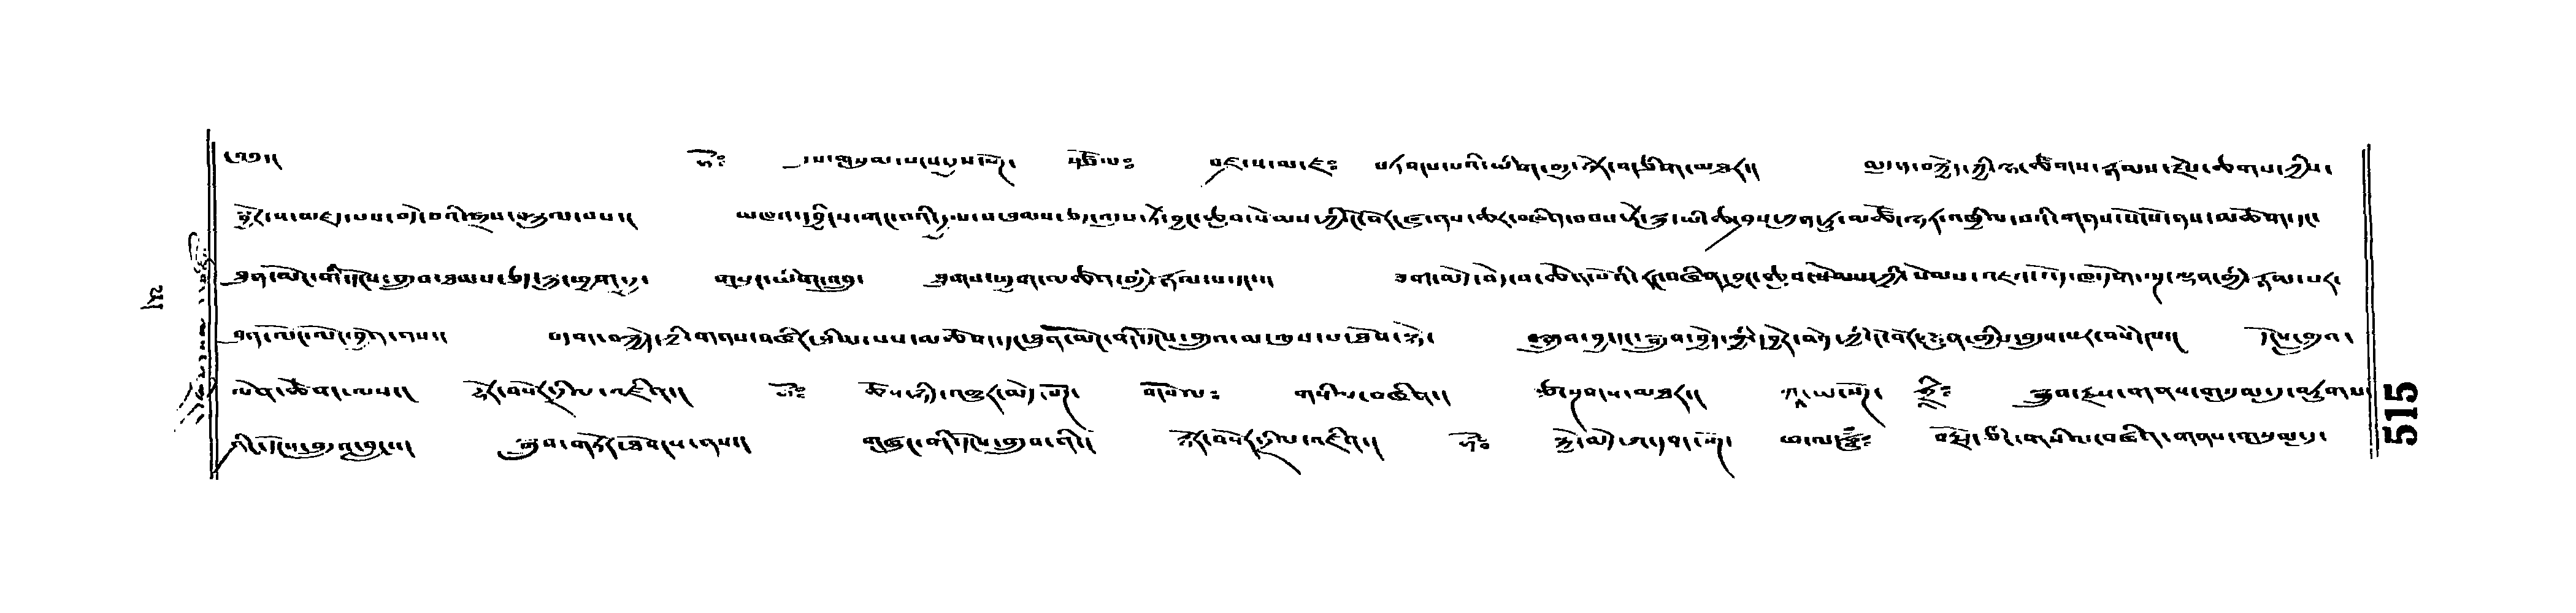ཧོཿ དུས་གསུམ་སངས་རྒྱས་སོགས། སྩོལ༔ བཛྲ་ས་མ་ཛཿ བཏགས་པའི་ཡིག་བརྒྱ་ཉེར་གཅིག་མཐར། མདུན་བསྐྱེད་ཀྱི་ལྷ་ཚོགས་རྣམས་རྗེས་ཆགས་ཀྱིས་
སྦྱོར་བ་མཛད་པའི་བདེ་བའི་སྒྲས་བསྐུལ་བས། མཁའ་དབྱིངས་གང་བའི་རྒྱལ་བ་ཐམས་ཅད་འདུས་ཏེ་བྱང་ཆུབ་སེམས་ཀྱི་ངོ་བོར་ཞུ་ནས་ཆར་བཞིན་བབས་ཏེ་སྐུ་ཡི་ཆ་ཤས་ཀུན་ཏུ་མཚོ་ལྟར་འཁྱིལ་བའི་གནས་སོ་སོ་ནས་མཆོག་དང་
ཐུན་མོང་གི་དངོས་གྲུབ་ཐམས་ཅད་སྐུ་ཕྱག་རྒྱ། གསུང་ཡིག་འབྲུ། ཐུགས་ཕྱག་མཚན་གྱི་རྣམ་པ་དང་། ཟག་མེད་བདེ་བ་ཆེན་པོའི་རང་བཞིན་བྱང་ཆུབ་སེམས་ཀྱི་སེམས་འཇའ་འོད་ཁ་དོག་ལྔ་ལྡན་གྱི་རྣམ་པར་
བུན་ལོང་ལོང་བྱོན་ནས། བདག་བསྐྱེད་ཀྱི་གནས་བཞིར་ཐིམ་པས་མཆོག་དང་ཐུན་མོང་གི་དངོས་གྲུབ་མ་ལུས་པ་ཐོབ་སྟེ། བསྒྲུབ་བྱ་དང་སྒྲུབ་བྱེད་དབྱེར་མེད་ཀྱི་ངོ་བོར་ལྷུན་གྱིས་གྲུབ་པར་བསམ་ལ། དངོས་གྲུབ་
ལེན་ཆོག་ལས། རྡོར་གསོར་དྲིལ་འཛིན། ཧོཿ ཆོས་ཉིད་འགྱུར་མེད་སོགས། གསོལ༔ གསིལ་བཞིན། རྩ་སྔགས་མཐར། ཀཱ་ཡ་སོགས། ཧྲཱིཿ སྒྲུབ་རྫས་གནས་གསུམ་དུ་བཏུགས་
ཤིང་དངོས་གྲུབ་བླངས། སྒྲུབ་གཏོར་ཐོགས་ནས། གཞུང་གི་དངོས་གྲུབ་ནི། རྡོར་གསོར་དྲིལ་འཛིན། ཧོཿ སྐྱེ་མེད་ཀ་དག་སོགས། ཕ་ལ་ཧཱུྃ༔ བརྗོད་ཅིང་གསིལ་བཞིན་གནས་གསུམ་དུ་